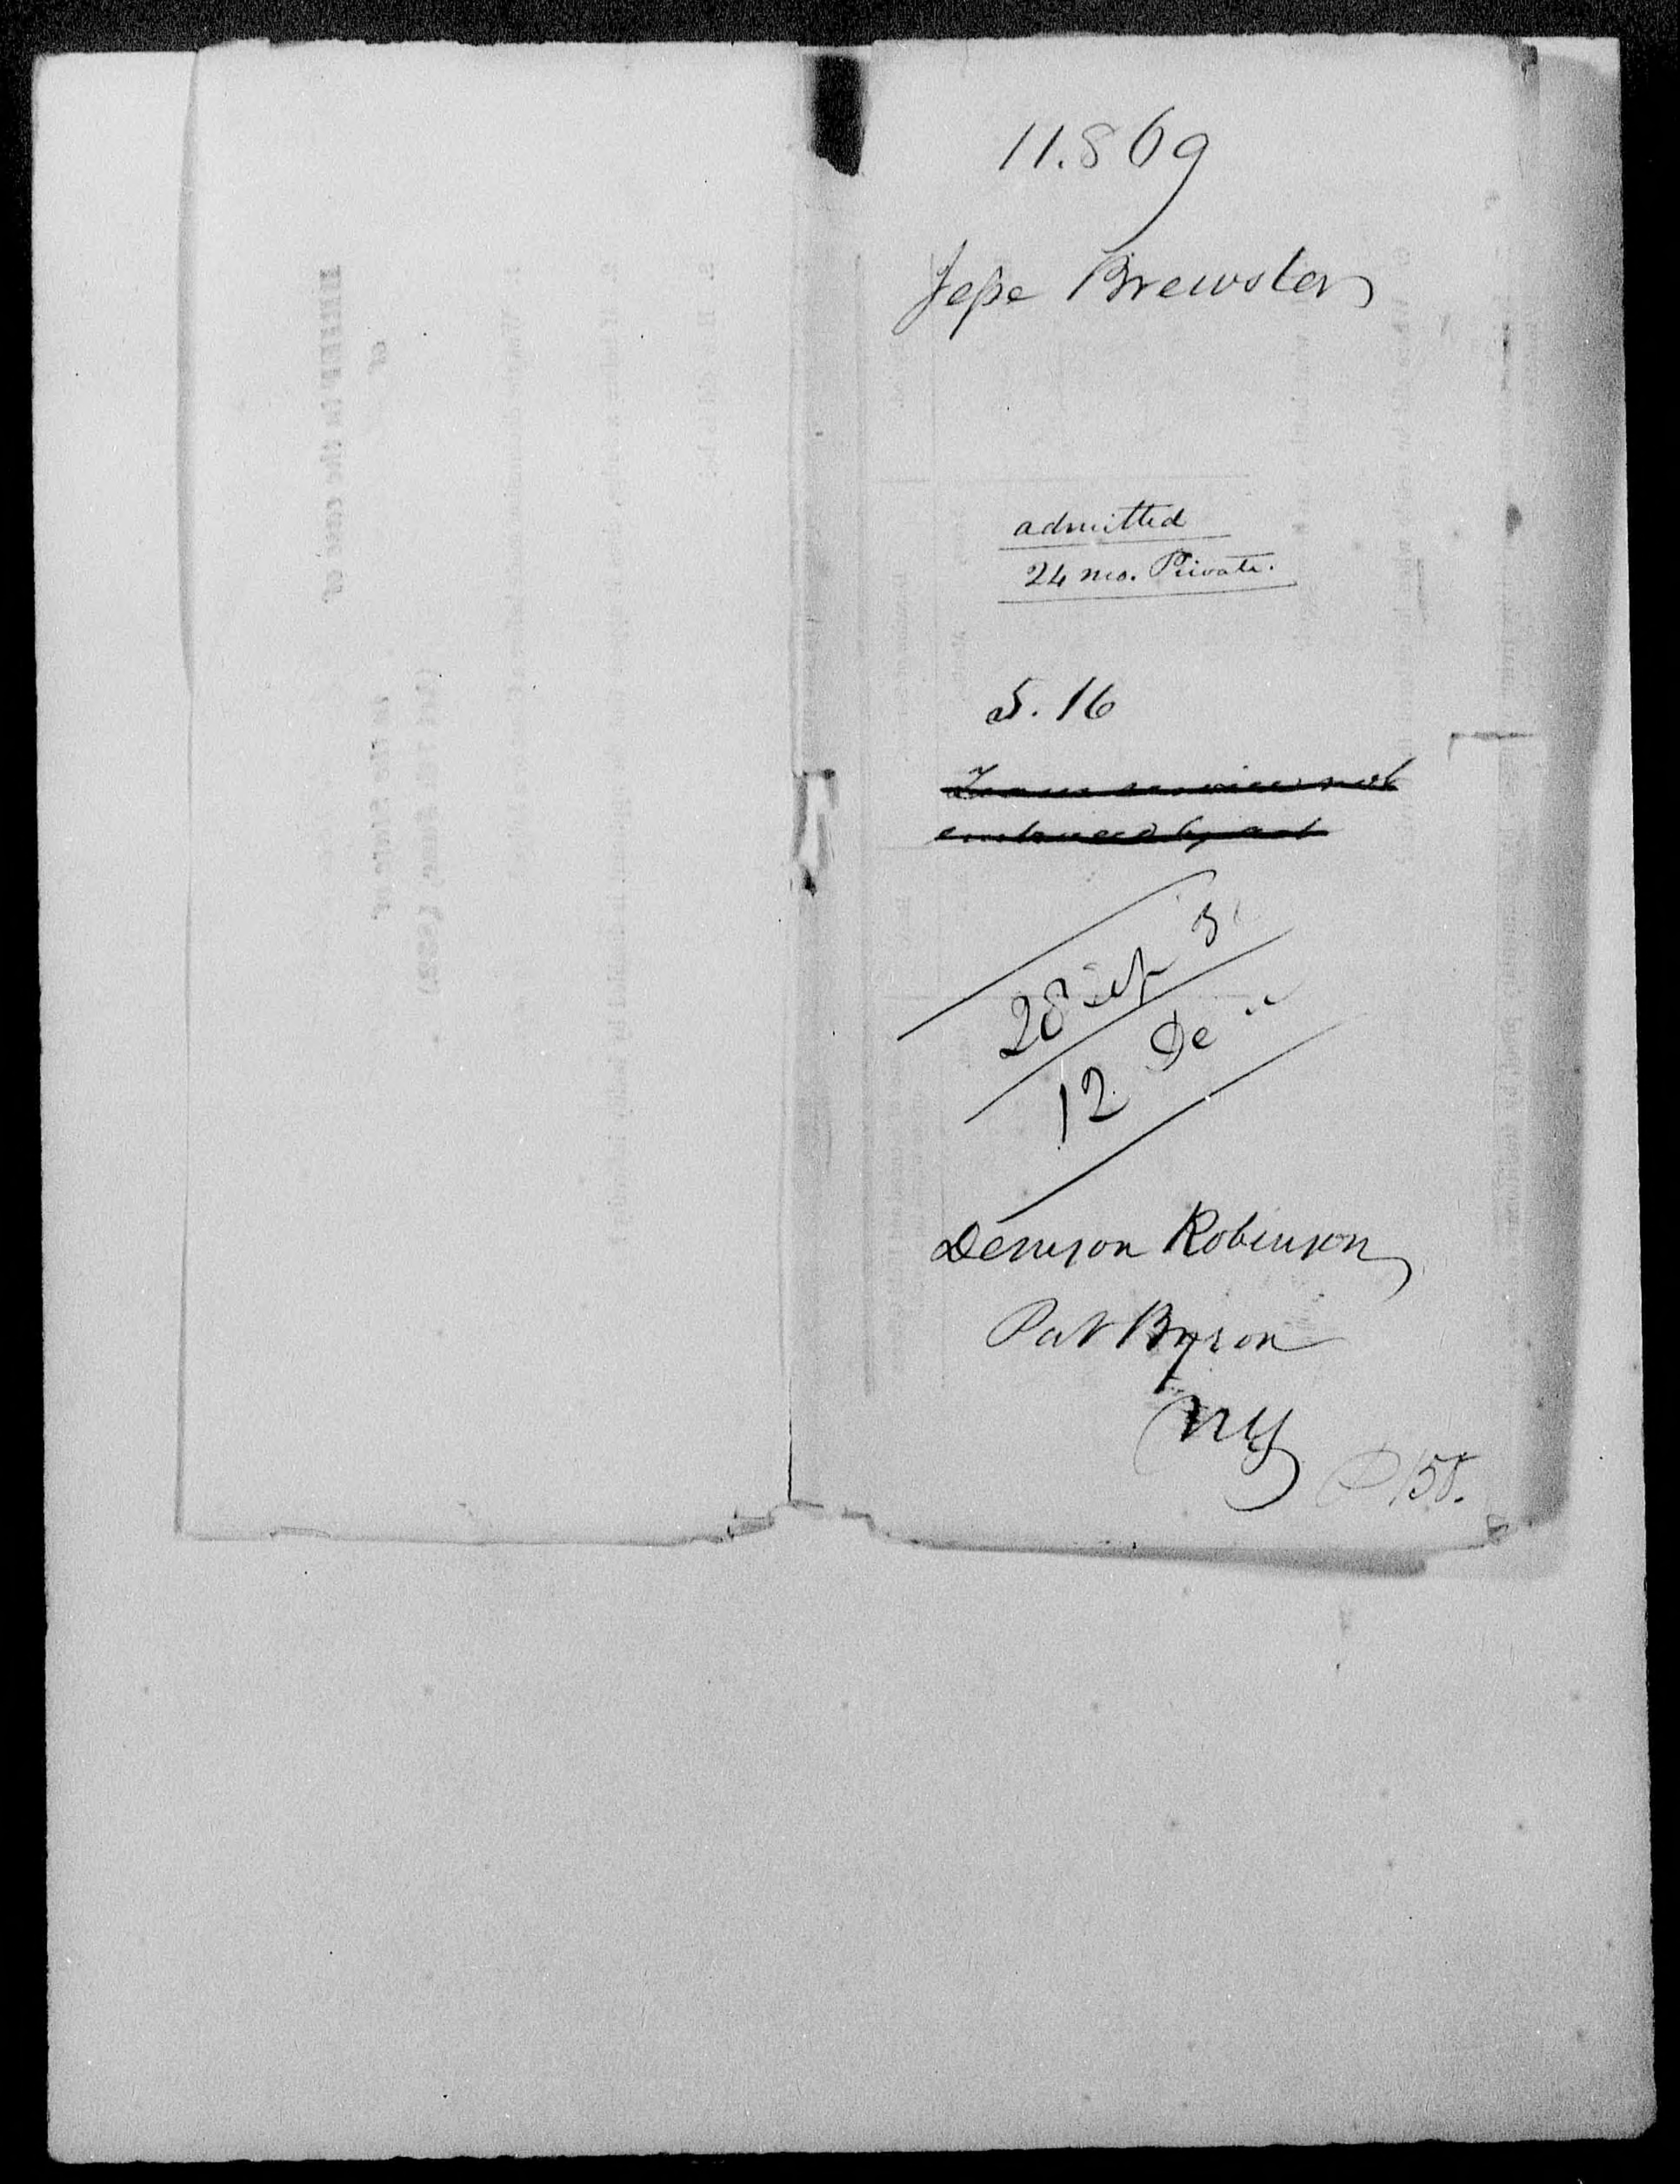Jesse Brewster
admitted 24 mo. private 5.16
28 Sep
12 Dec
Denison Robinson Pat Byron NY p158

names: Pat Byron, Denison Robinson, Jesse Brewster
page: 7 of 26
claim: survivor's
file: S. 12,291, Jesse Brewster, New York